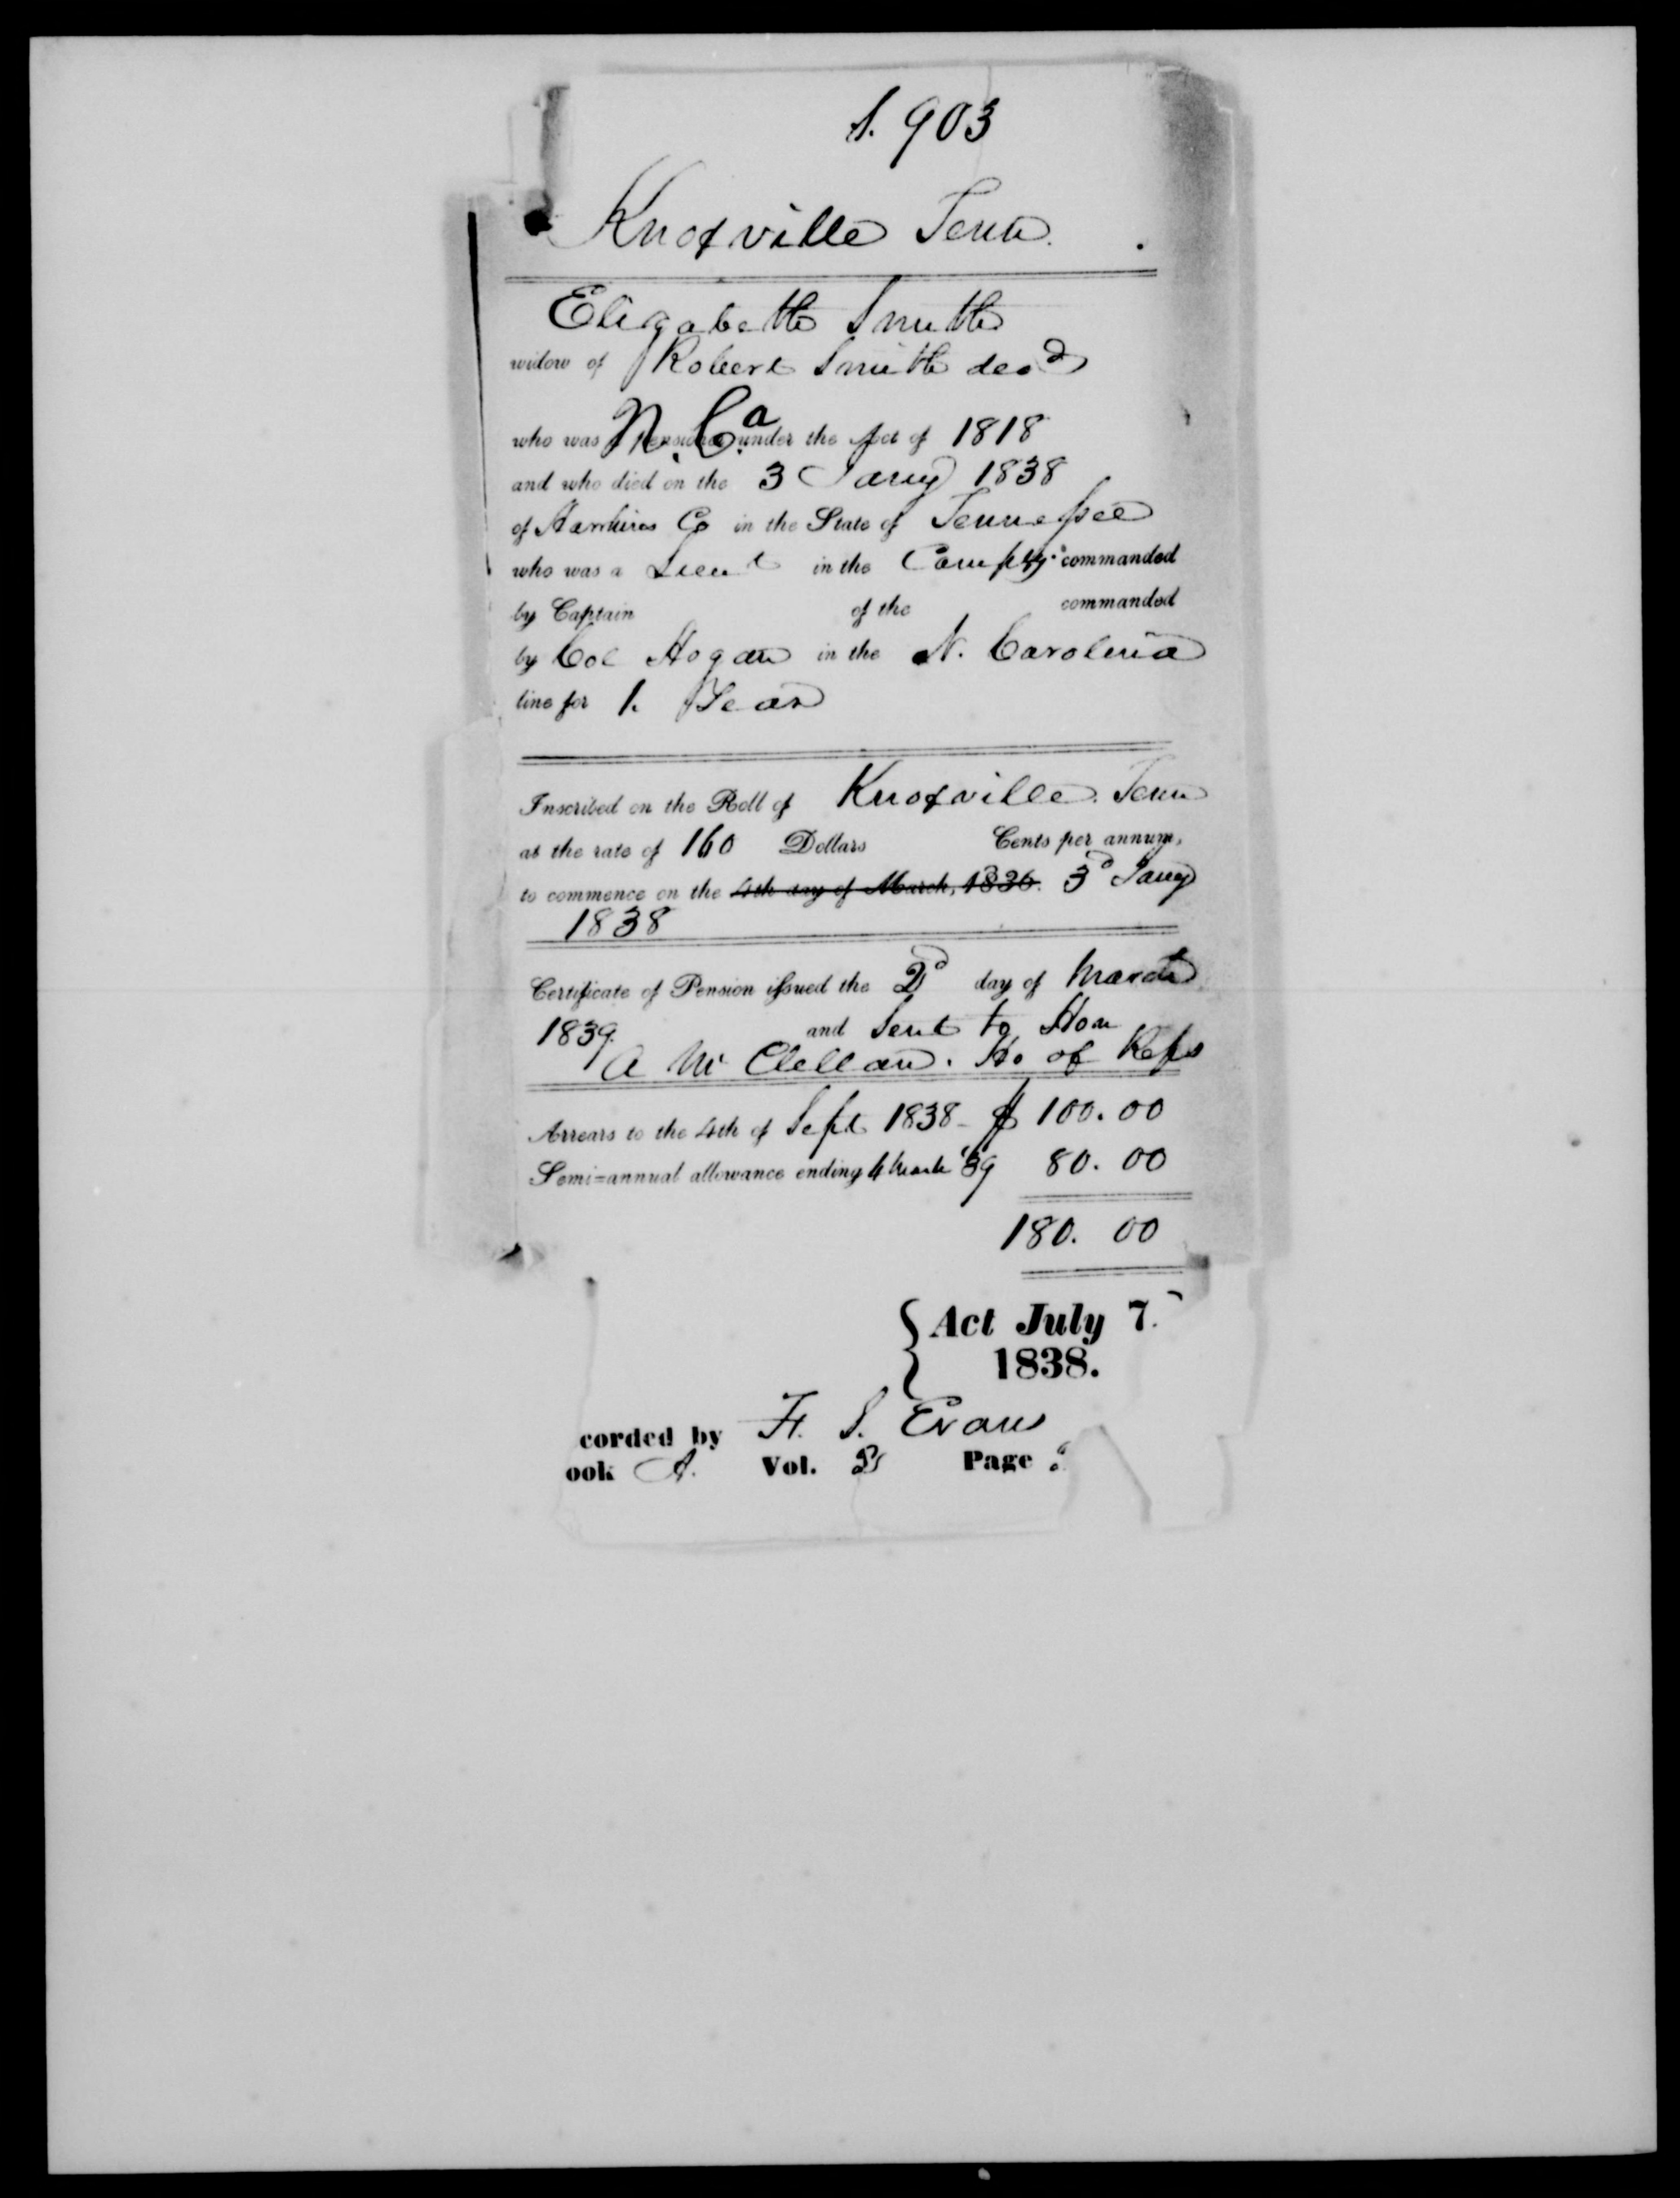S. 903
Knoxville Tenn.
Elizabeth Smith
widow of Robert Smith decd.
who was a N. Ca. pensioner under the Act of 1818 and who died on the 3 Jany 1838 of Hawkins Co in the State of Tennessee
who was a Lieut in the Compy commanded by Captain _ of the _ commanded by Col Hogan in the N. Carolina line for 1 Year
Inscribed on the Roll of Knoxville Tenn at the rate of 160 Dollars _ Cents per annum, to commence on the 3d Jany 1838
Certificate of Pension isued the 2d day of March 1839 and sent to Hon
A McClellan Ho of Reps
Arrears to the 4th of Sept. 1838. $100.00 Semi=annual allowance ending 4 March '39. 80.00 = 180.00
Act July 7 1838
Recorded by F S Evans
Book A Vol. 2 Page _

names: F S Evans; A Mc Clellan; [BLANK] Hogan; Robert Smith; Elizabeth Smith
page: 4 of 79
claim: widow's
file: W. 1504, for Robert Smith, North Carolina